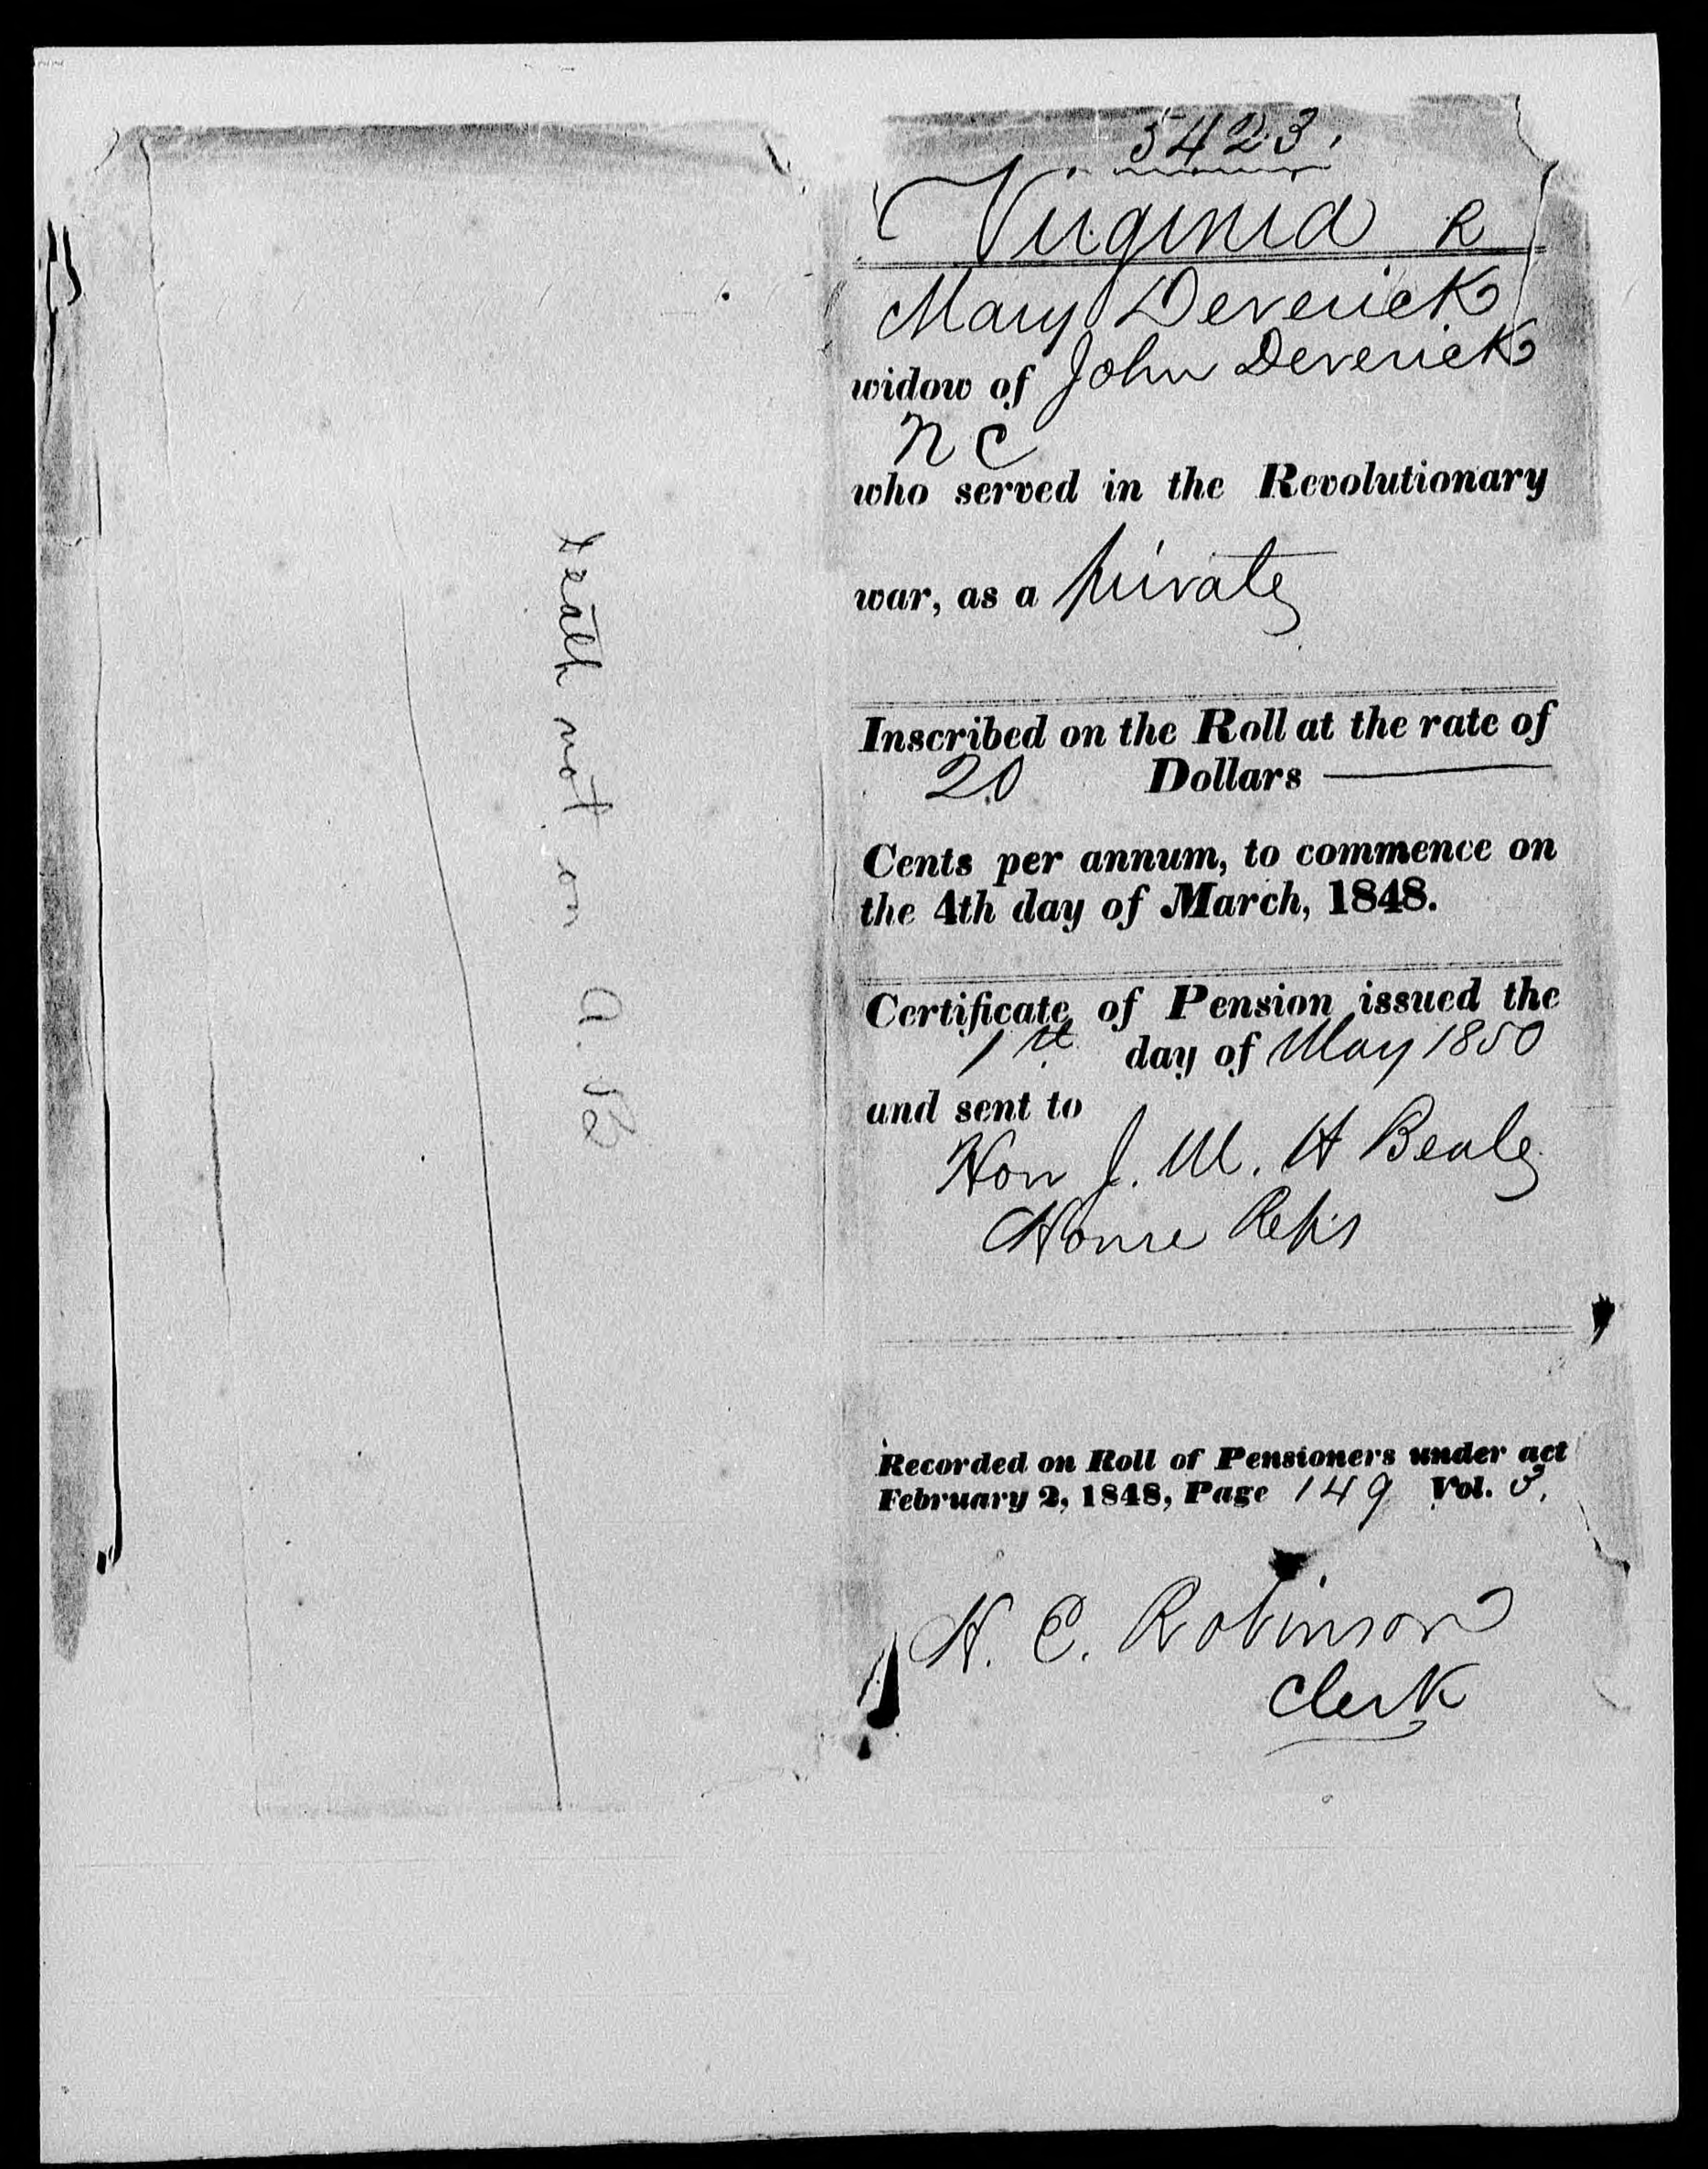5423
Virginia R
Mary Deverick widow of John Deverick NC who served in the Revolutionary war, as a private

Inscribed on the Roll at the rate of 20 Dollars [blank] Cents per annum, to commence on the 4th day of March, 1848.

Certificate of Pension issued the 1st day of May 1850 and sent to Hon J. W. H. Beale [illegible] [illegible]

Recorded on Roll of Pensioners under act February 2, 1848, Page 149 Vol. 3.

H. E. Robinson
Clerk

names: John Deverick, H E Robinson, Mary Deverick, J M H Beale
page: 2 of 35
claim: widow's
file: W 7007, John Devericks, Va.